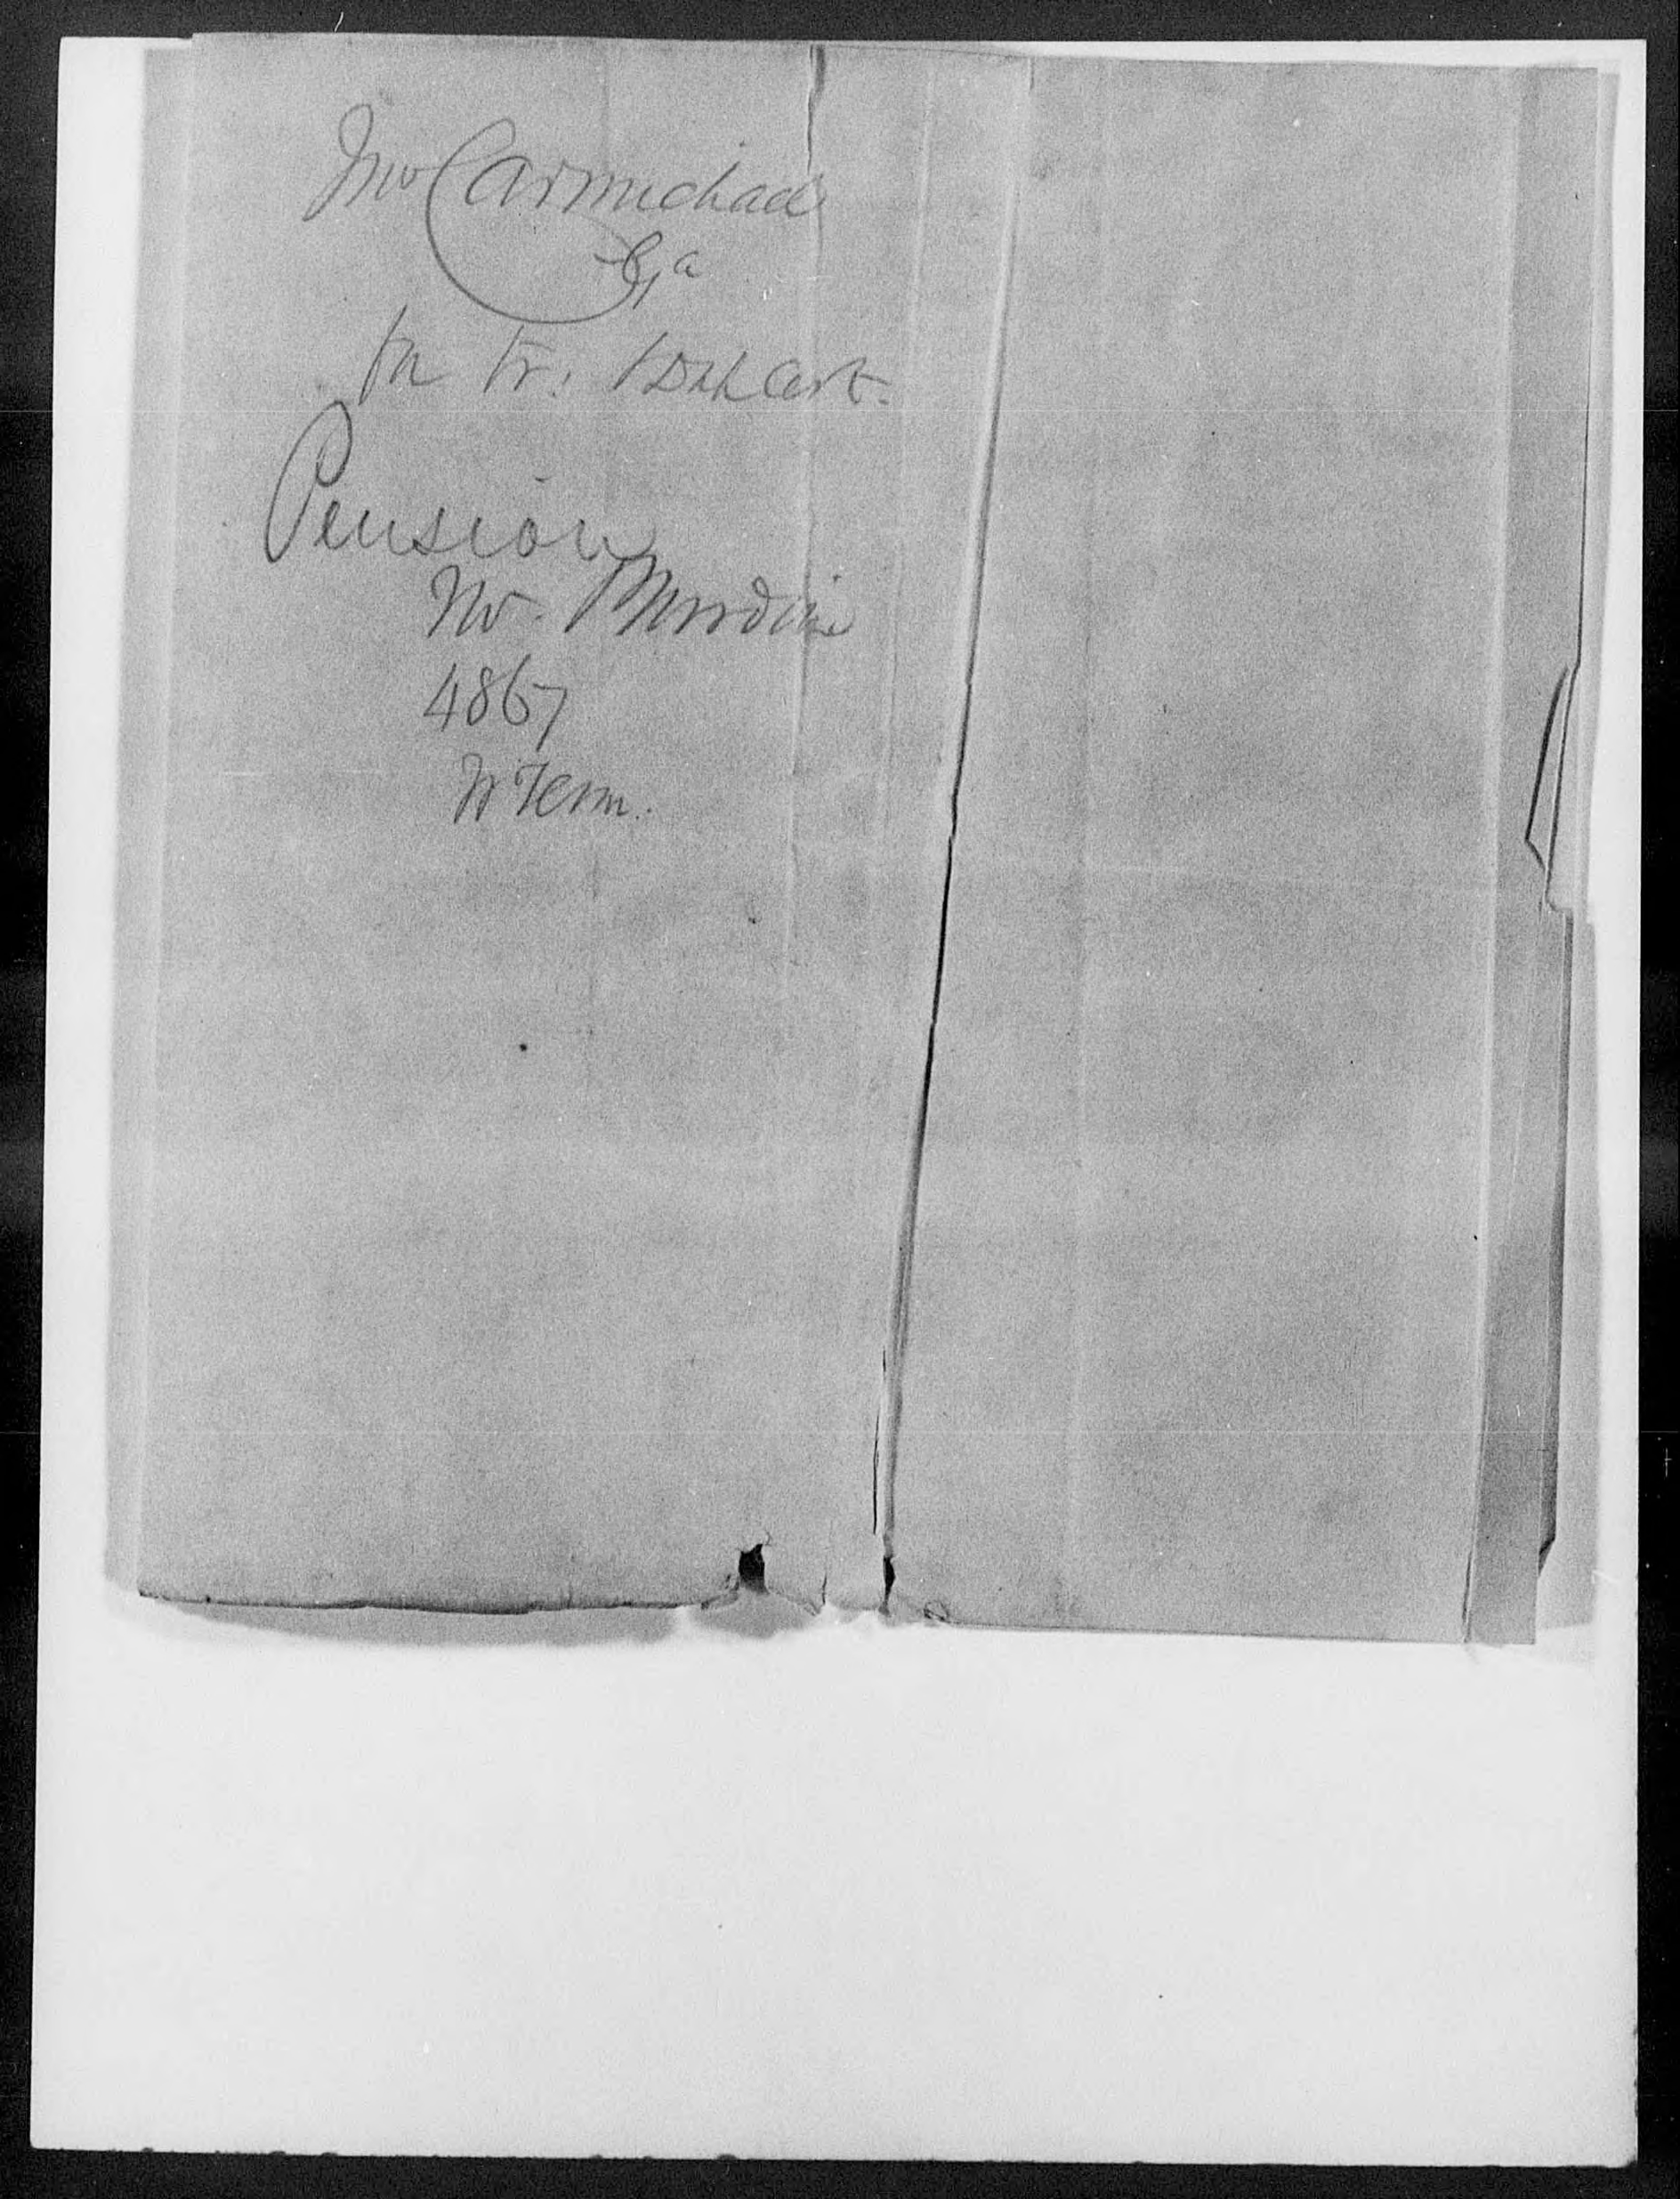Jno Carmichael
Ga
For Fr. I Dihart.
Pension
No. Missd laid
4867
In Tenn.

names: Jno Carmichael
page: 28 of 42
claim: survivor's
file: S. 31,595, John Carmickele, Penn.